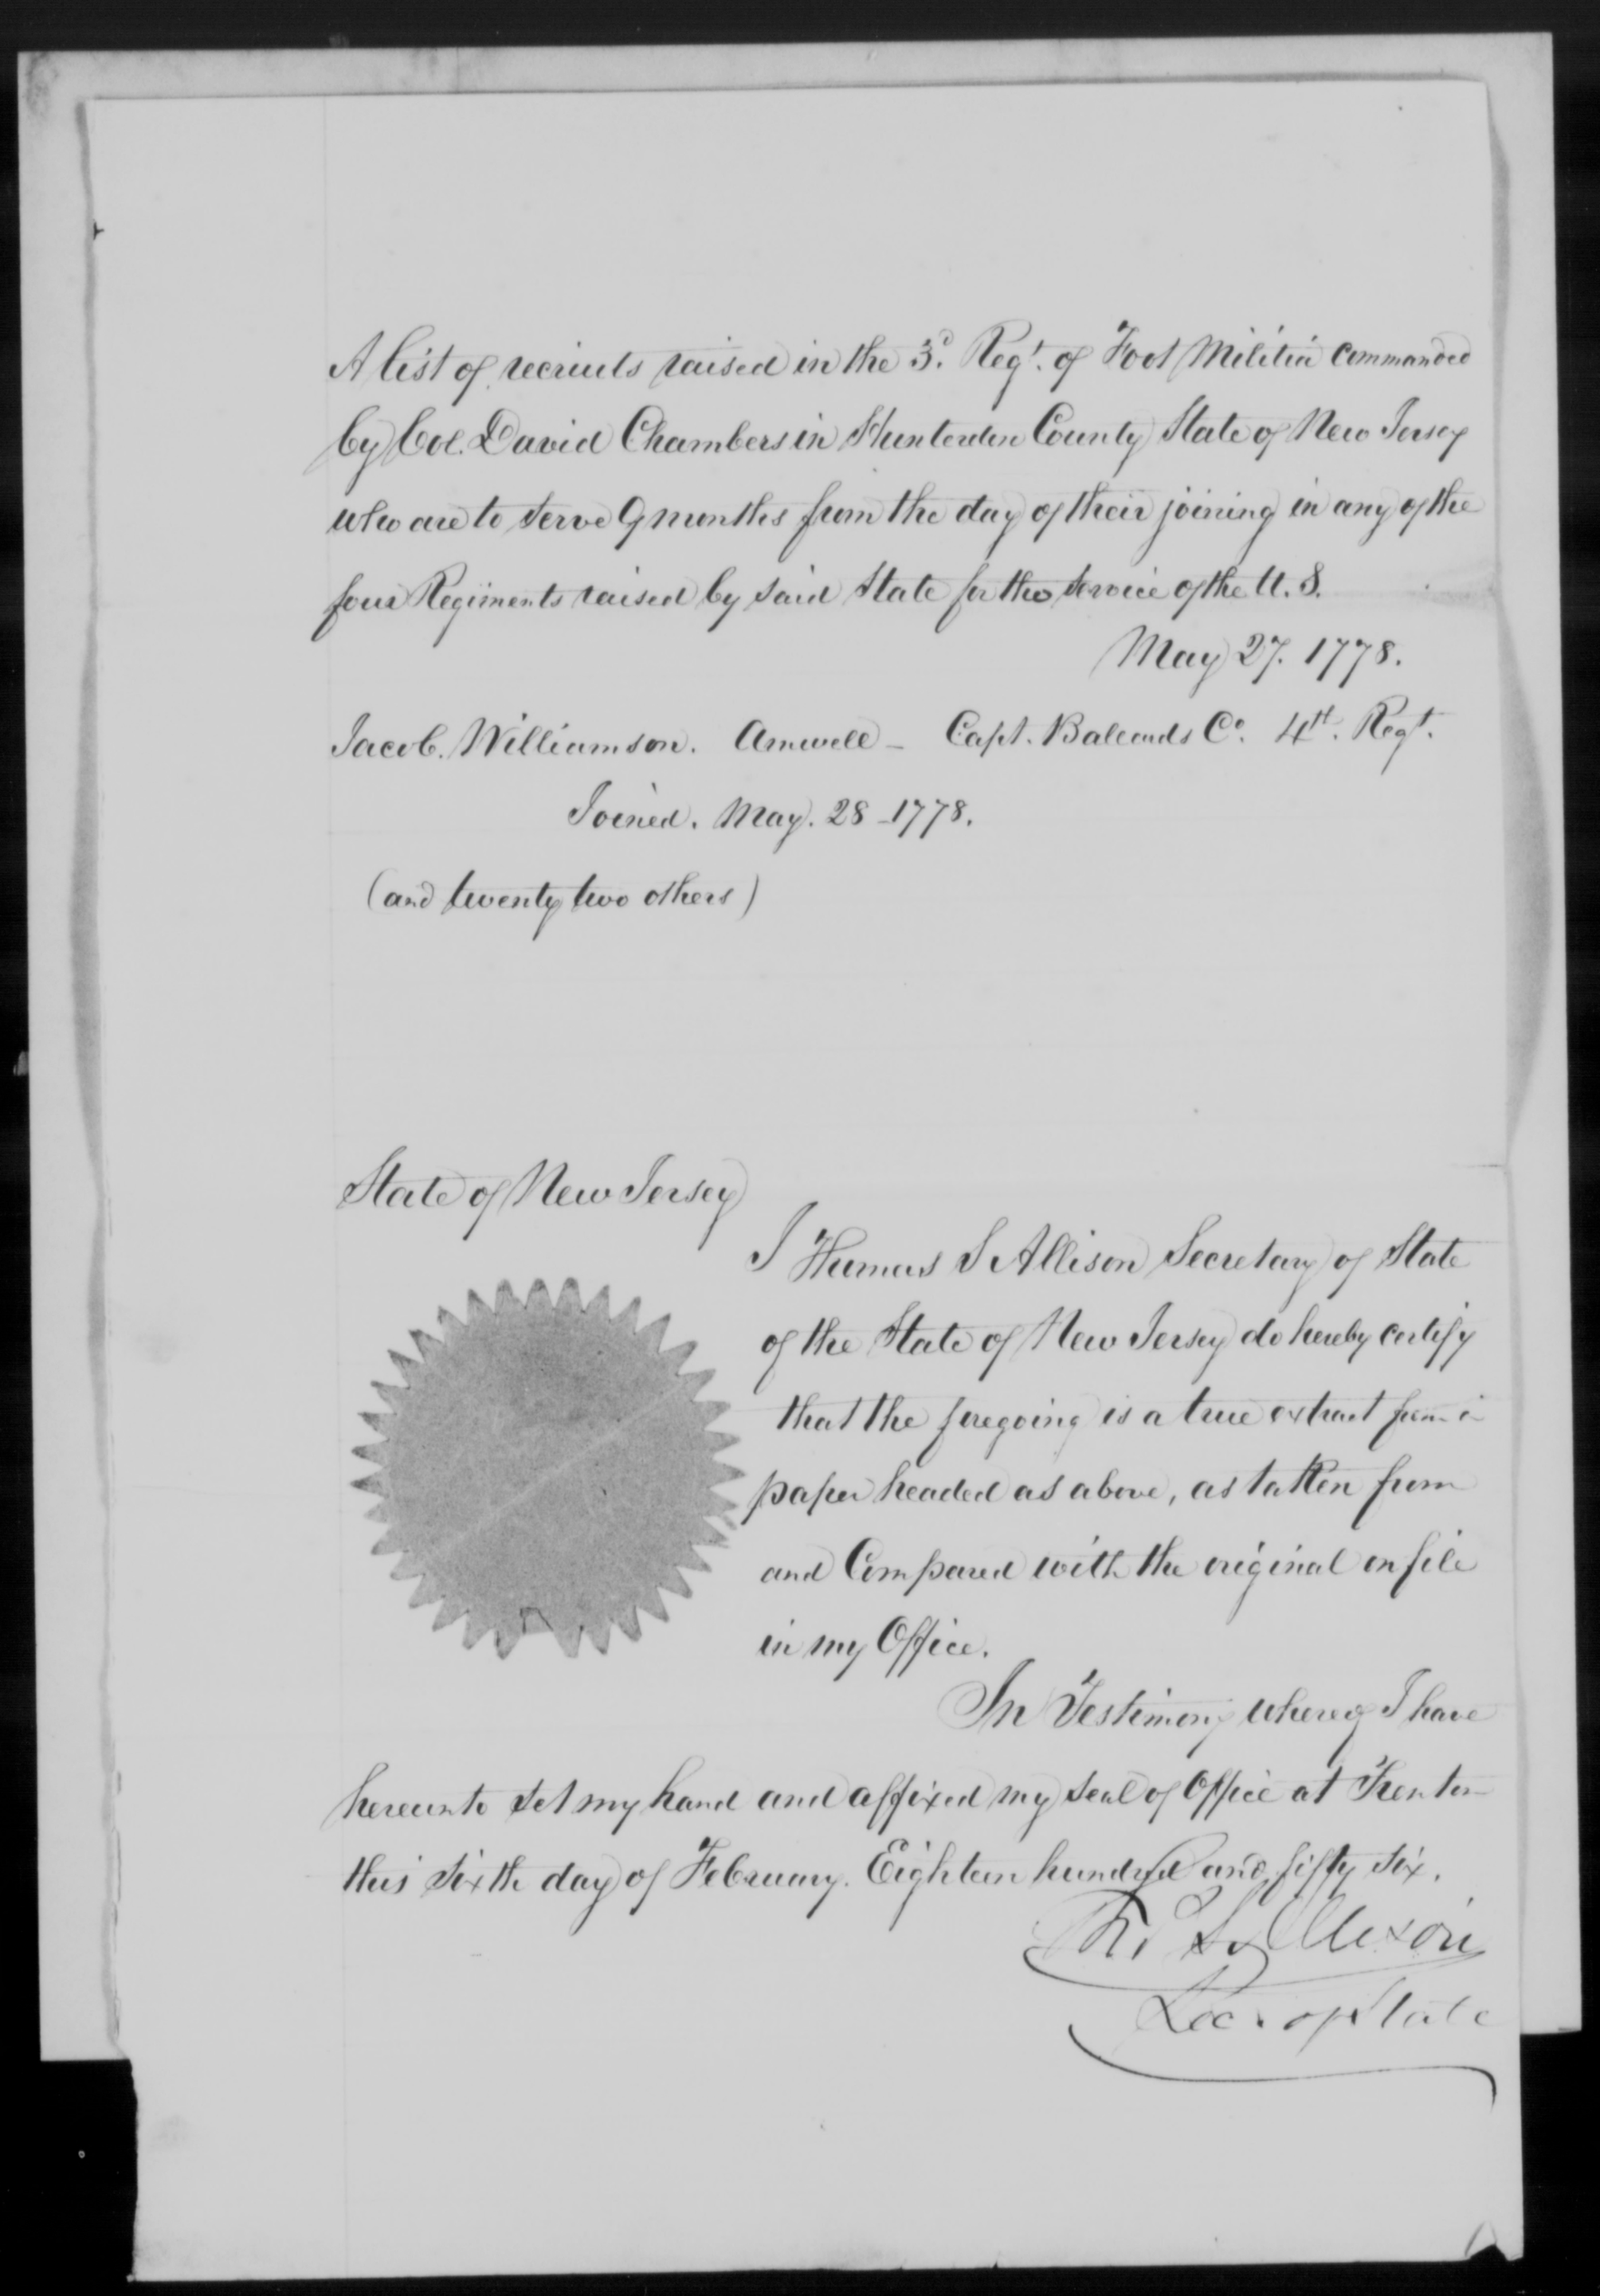A list of recruits raised in the 3rd Reg(iment) of Foot Militia commanded by Col. David Chambers in Hunterdon County, State of New Jersey, who are to serve 9 months from the day of their joining in any of the four regiments raised by said State for the service of the U.S.
May 27, 1778.

Jacob Williamson, Amwell - Capt. Ballard's Co., 4th Reg(iment).
Joined May 28, 1778 (and twenty two others).

State of New Jersey//

I. Thomas S. Allison, Secretary of State of the State of New Jersey, do hereby certify that the foregoing is a true extract from a paper headed as above, as taken from and compared with the original in file in my office.

In testimony whereof I have hereunto set my Hand and affixed my Seal of Office at Trenton this sixth day of February Eighteen Hundred and Fifty Six.
s/ Thos. S. Allison, Sec(retary) of State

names: Jacob Williamson, Thomas S Allison, Thos S Allison, David Chambers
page: 44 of 67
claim: widow's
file: W. 2393, Jacob Williamson, New Jersey